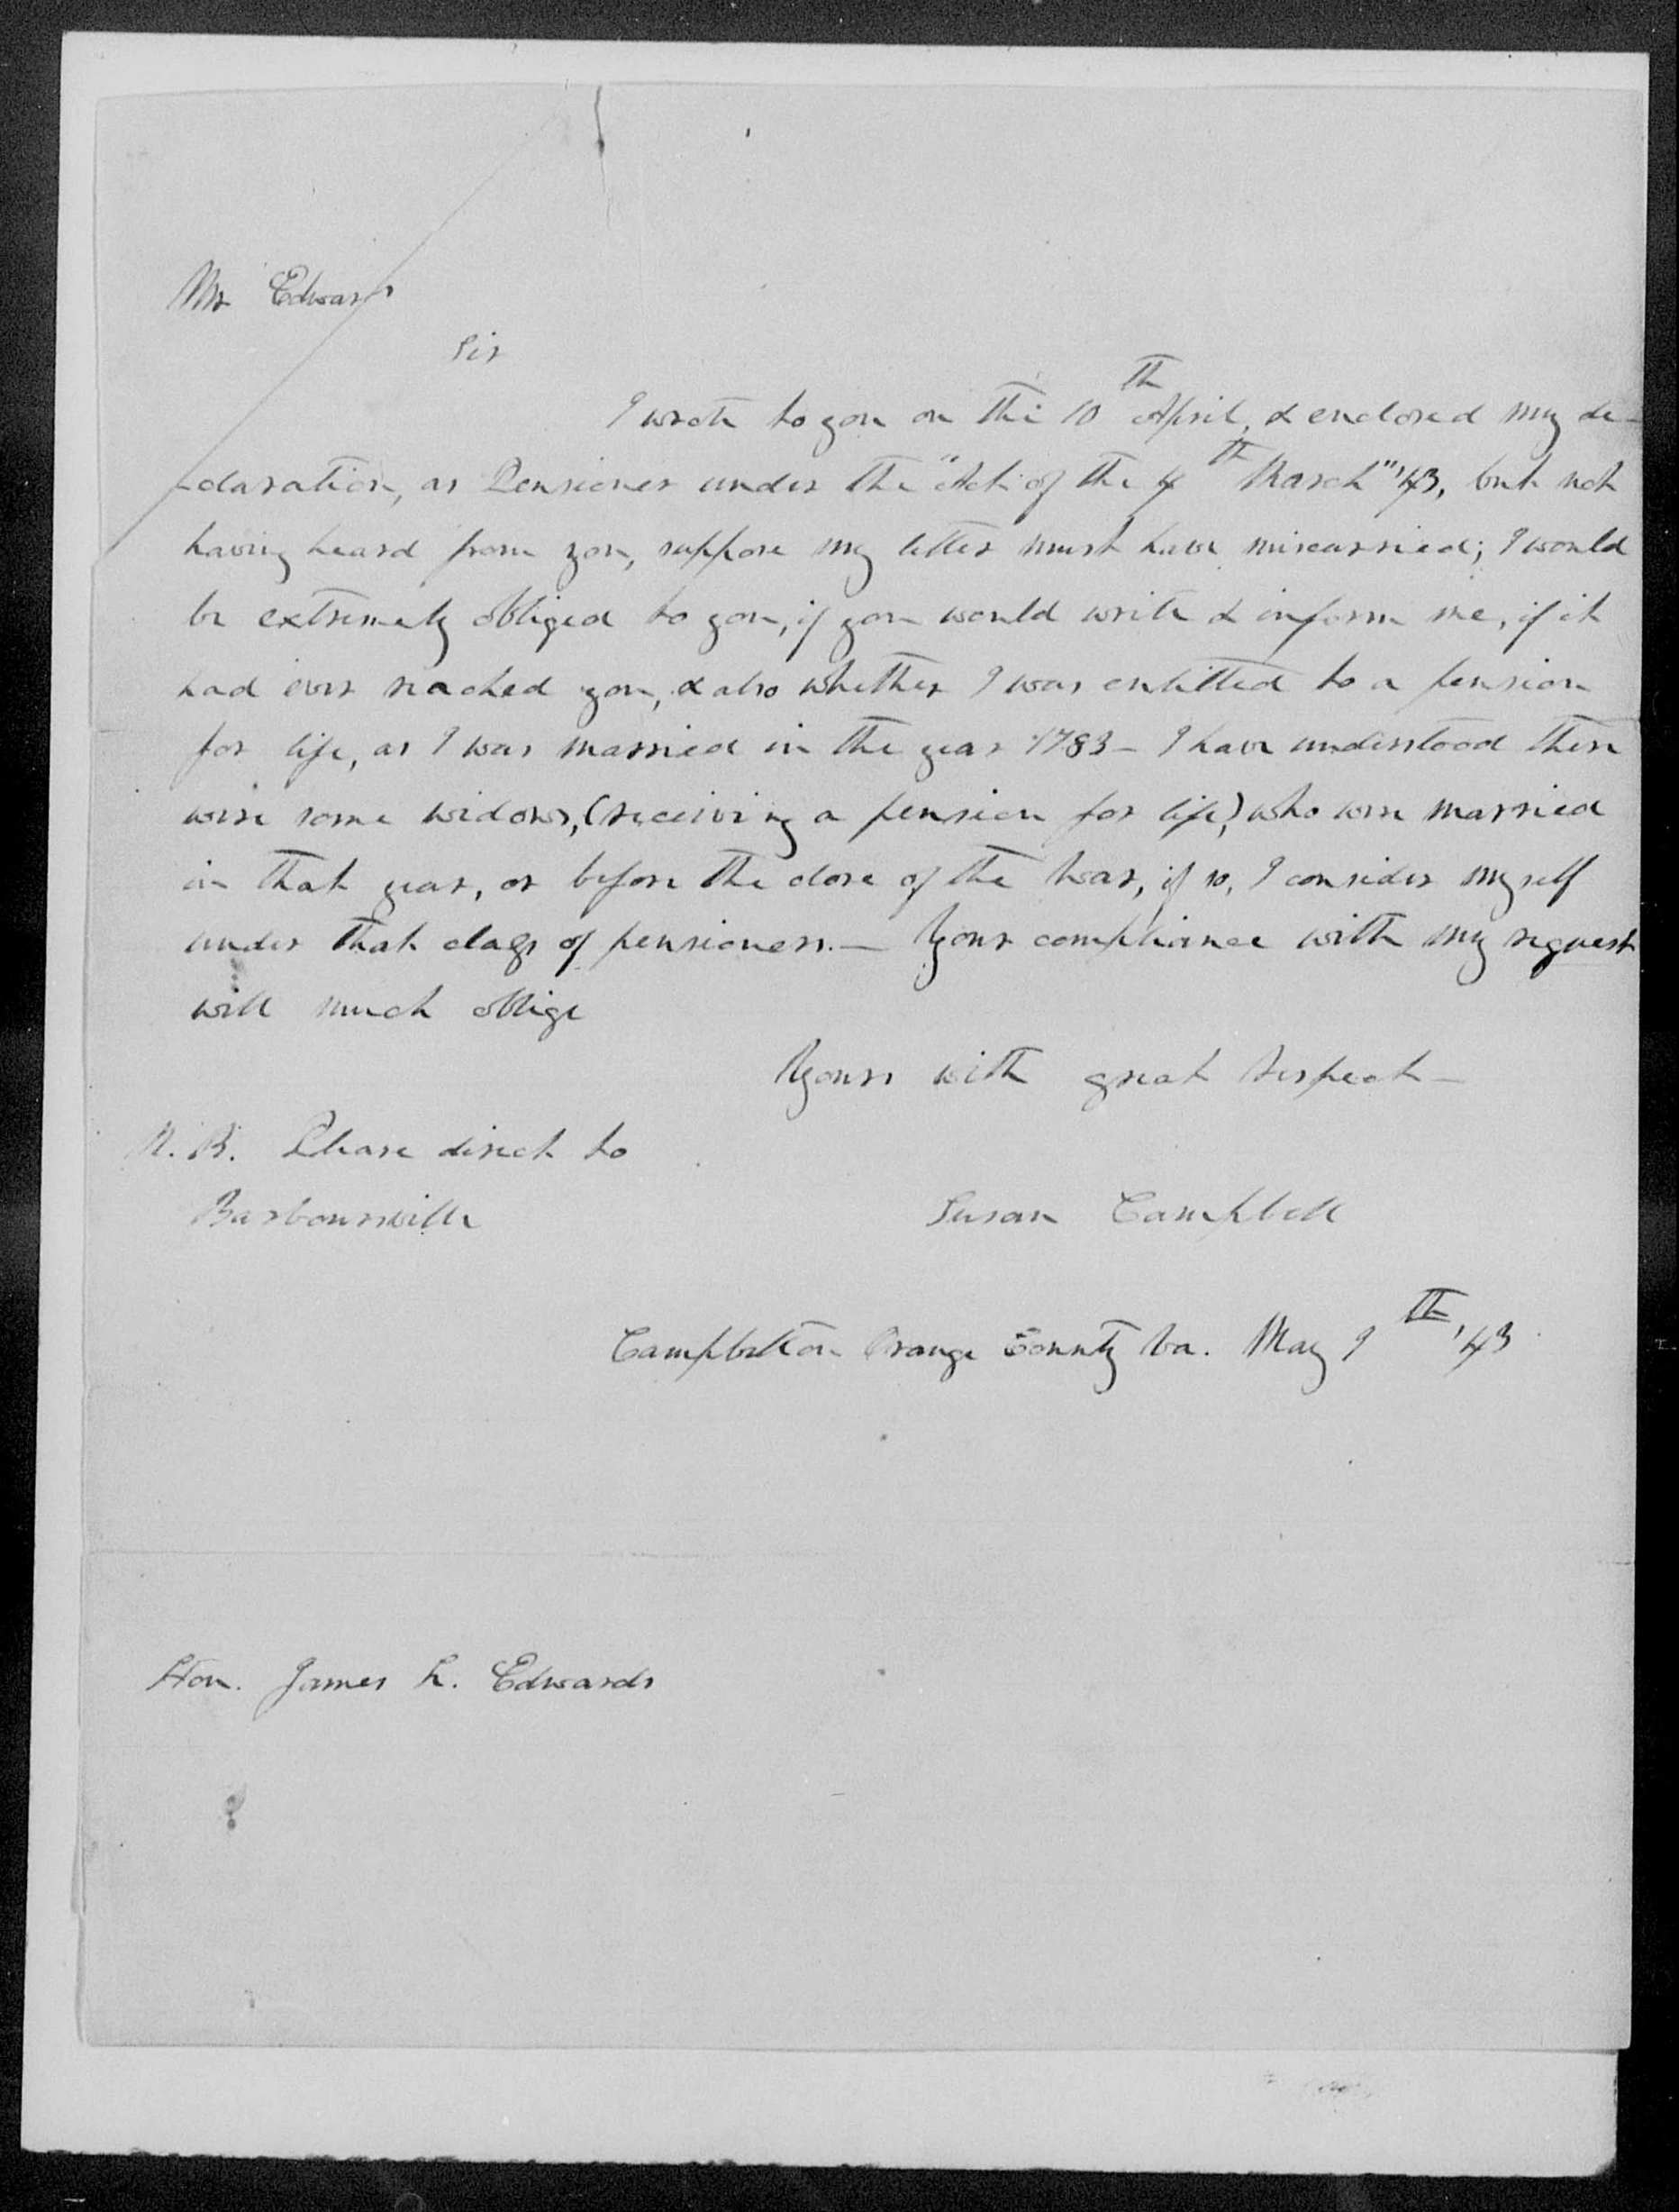Mr Edwards
Sir
I wrote to you on the 10th April, & enclosed my declaration, as Pensioner under the "Act of the 4th March" '43, but not having heard from you, suppose my letter must have miscarried; I would be extremely obliged to you, if you would write & inform me, if it had ever rached you, *& also whether I was entitled to a pension for life, as I was married in the year 1783 - I have understood There were some widows, (receiving a pension for life,_ who were married in that year, or before the close of the war, if so, I consider myself under that class of pensioners.- Your compliance with my request will much oblige
Yours with great respect -
Susan Campbell
N.B. Please direct to Barboursville
Campbellton Orange County Va. May 9th '43

Hon. James L. Edwards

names: James L Edwards, Susan Campbell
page: 175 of 267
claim: widow's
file: W. 4,149, William Campbell, Va.